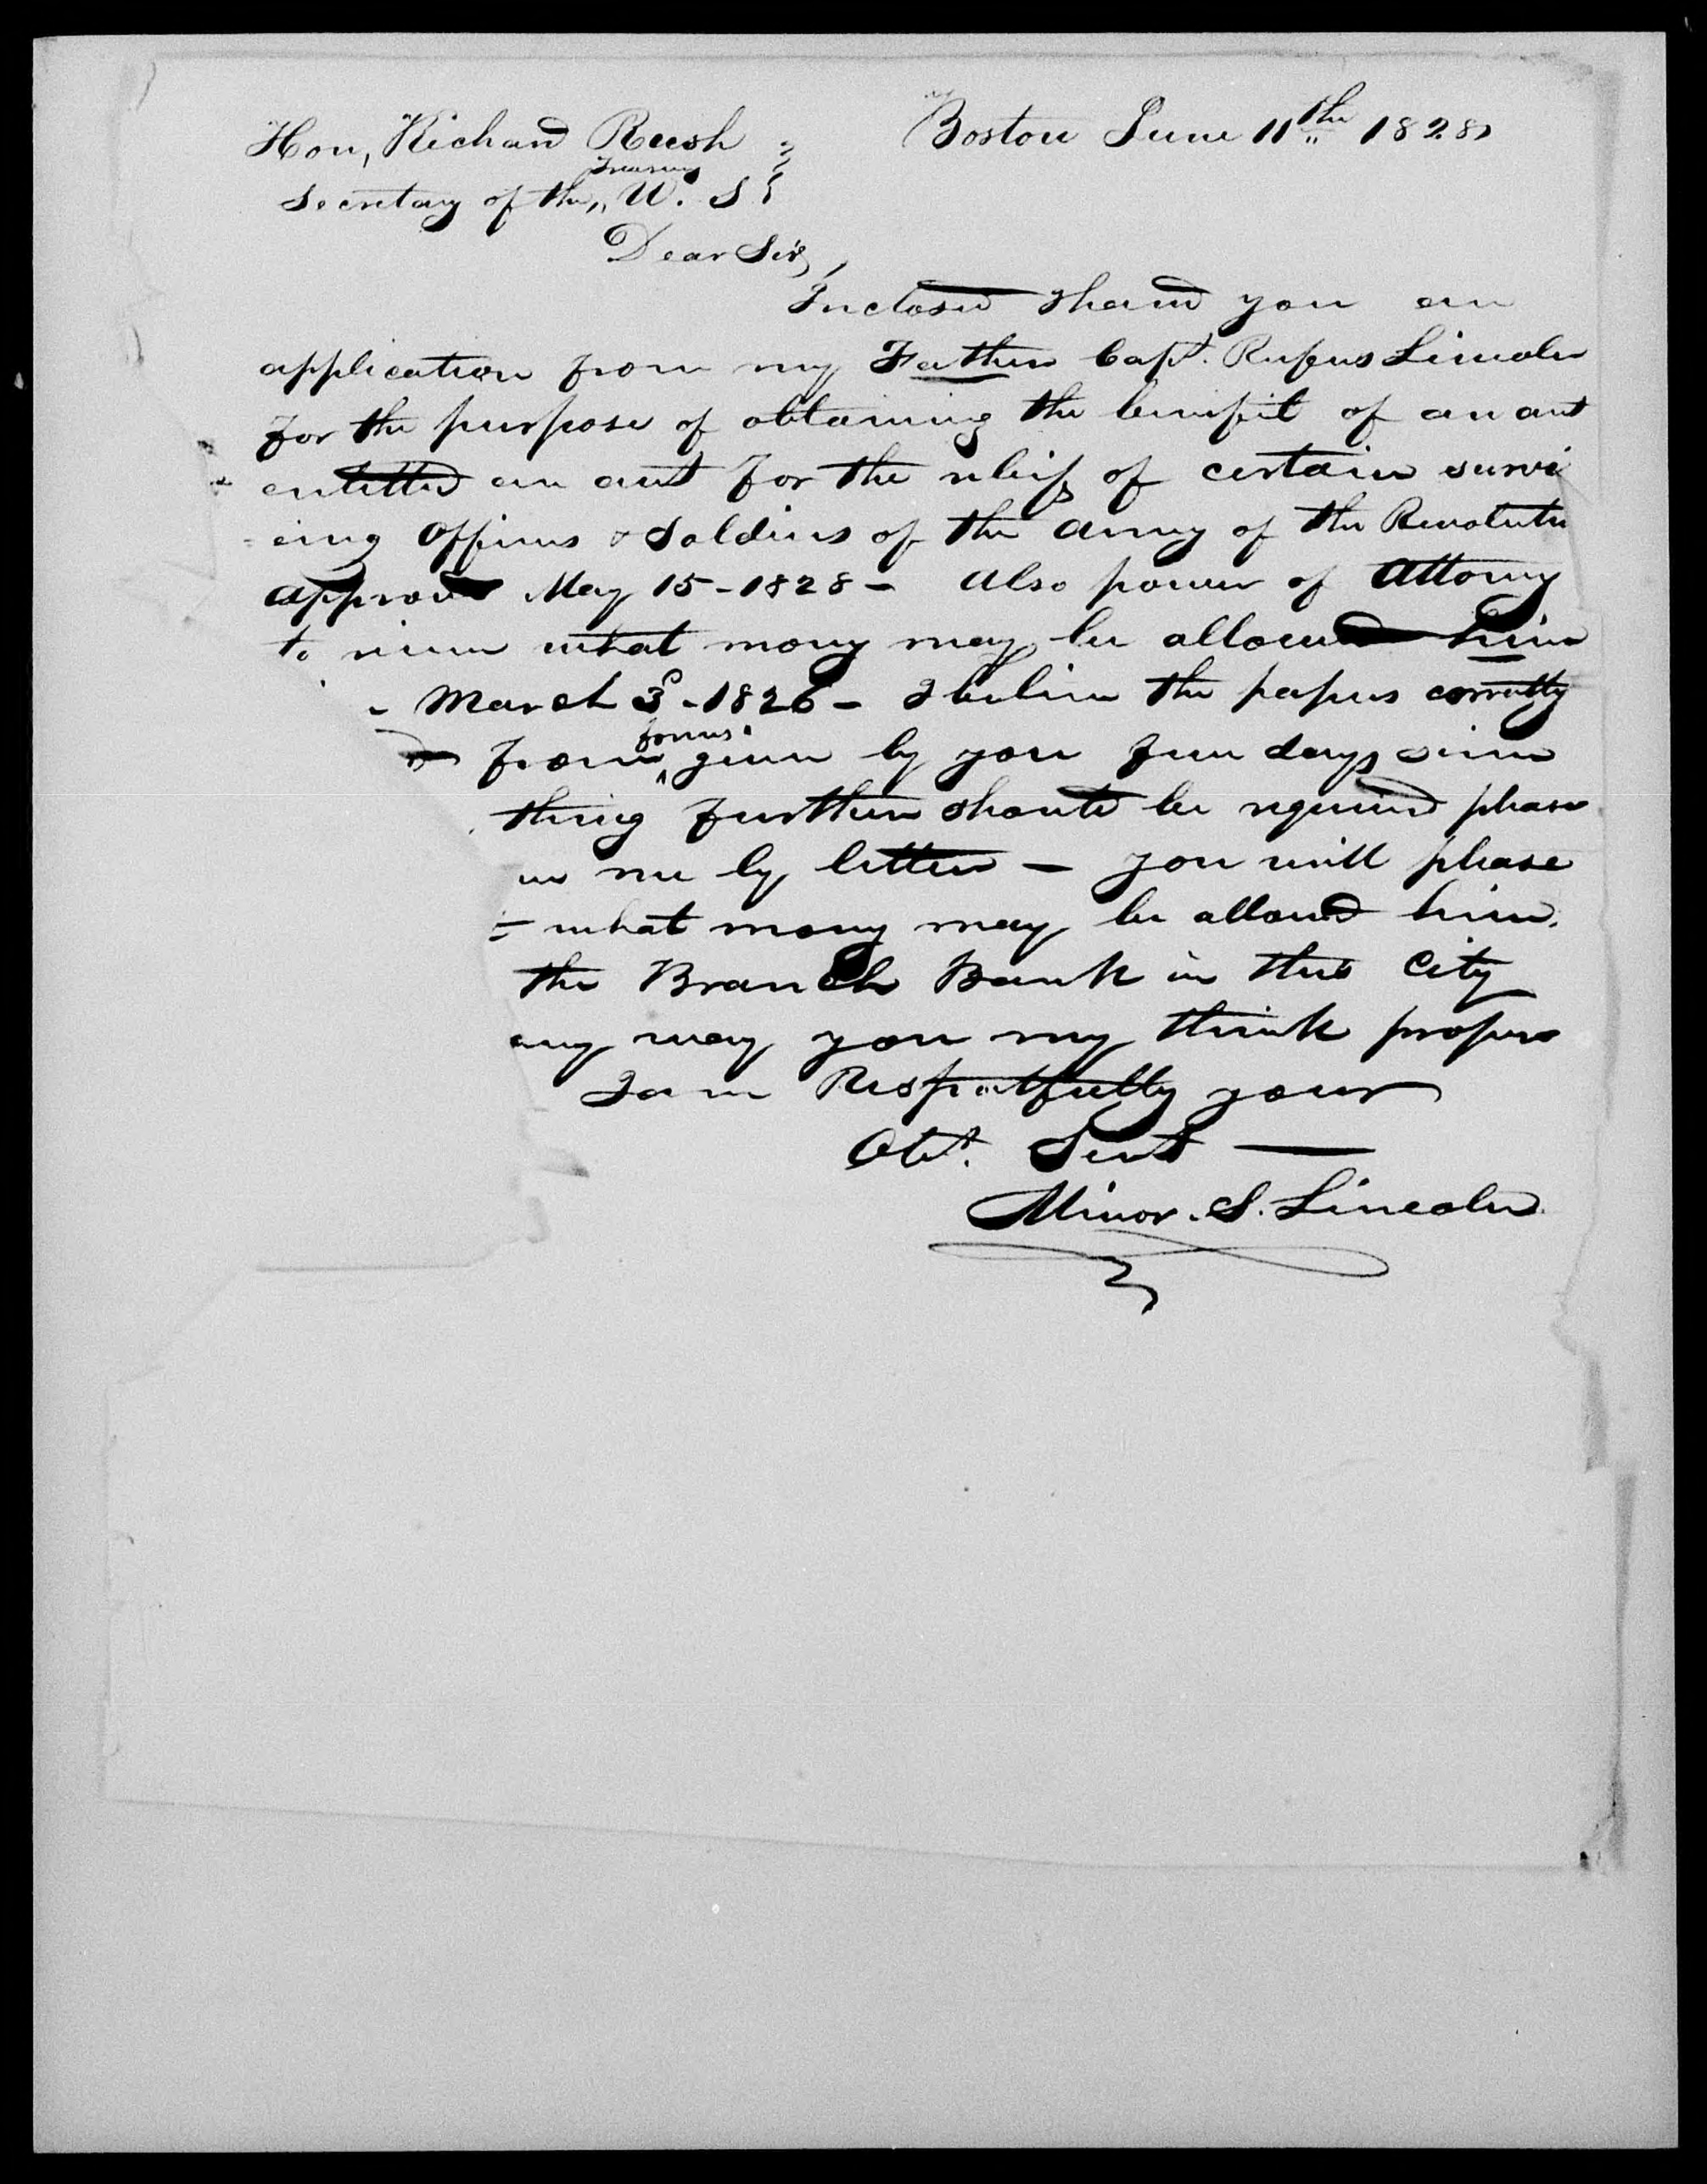(The transcription that follows is taken from a 
torn fragment of a letter written by Minor S Lincoln.)

Boston June 11th 1828
Hon. Richard Rush
Secretary of the Treasury U.S.
Dear Sir

Inclosed therein is an application from my Father Capt Rufus Lincoln for the purpose of obtaining the benefit of an act entitled an act for the relief of certain surviving officers & soldiers of the Army of the Revolution
approved May 15 - 1828 - Also power of Attorney to receive what money may be allowed him.
     -March 3. 1826 -- I believe the papers correctly
     - from forms given by you few days prior
     - thing further should be required please
     -  me by letter -- you will please
     - what money may be allowed him.
     - the Branch Bank in this City
     - any way you may think proper
I am Respectfully your
Obt Sevt--
Minor S. Lincoln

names: Minor S Lincoln; Richard Rush; Rufus Lincoln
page: 35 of 82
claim: widow's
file: W. 13,634, for Rufus Lincoln, Massachusetts